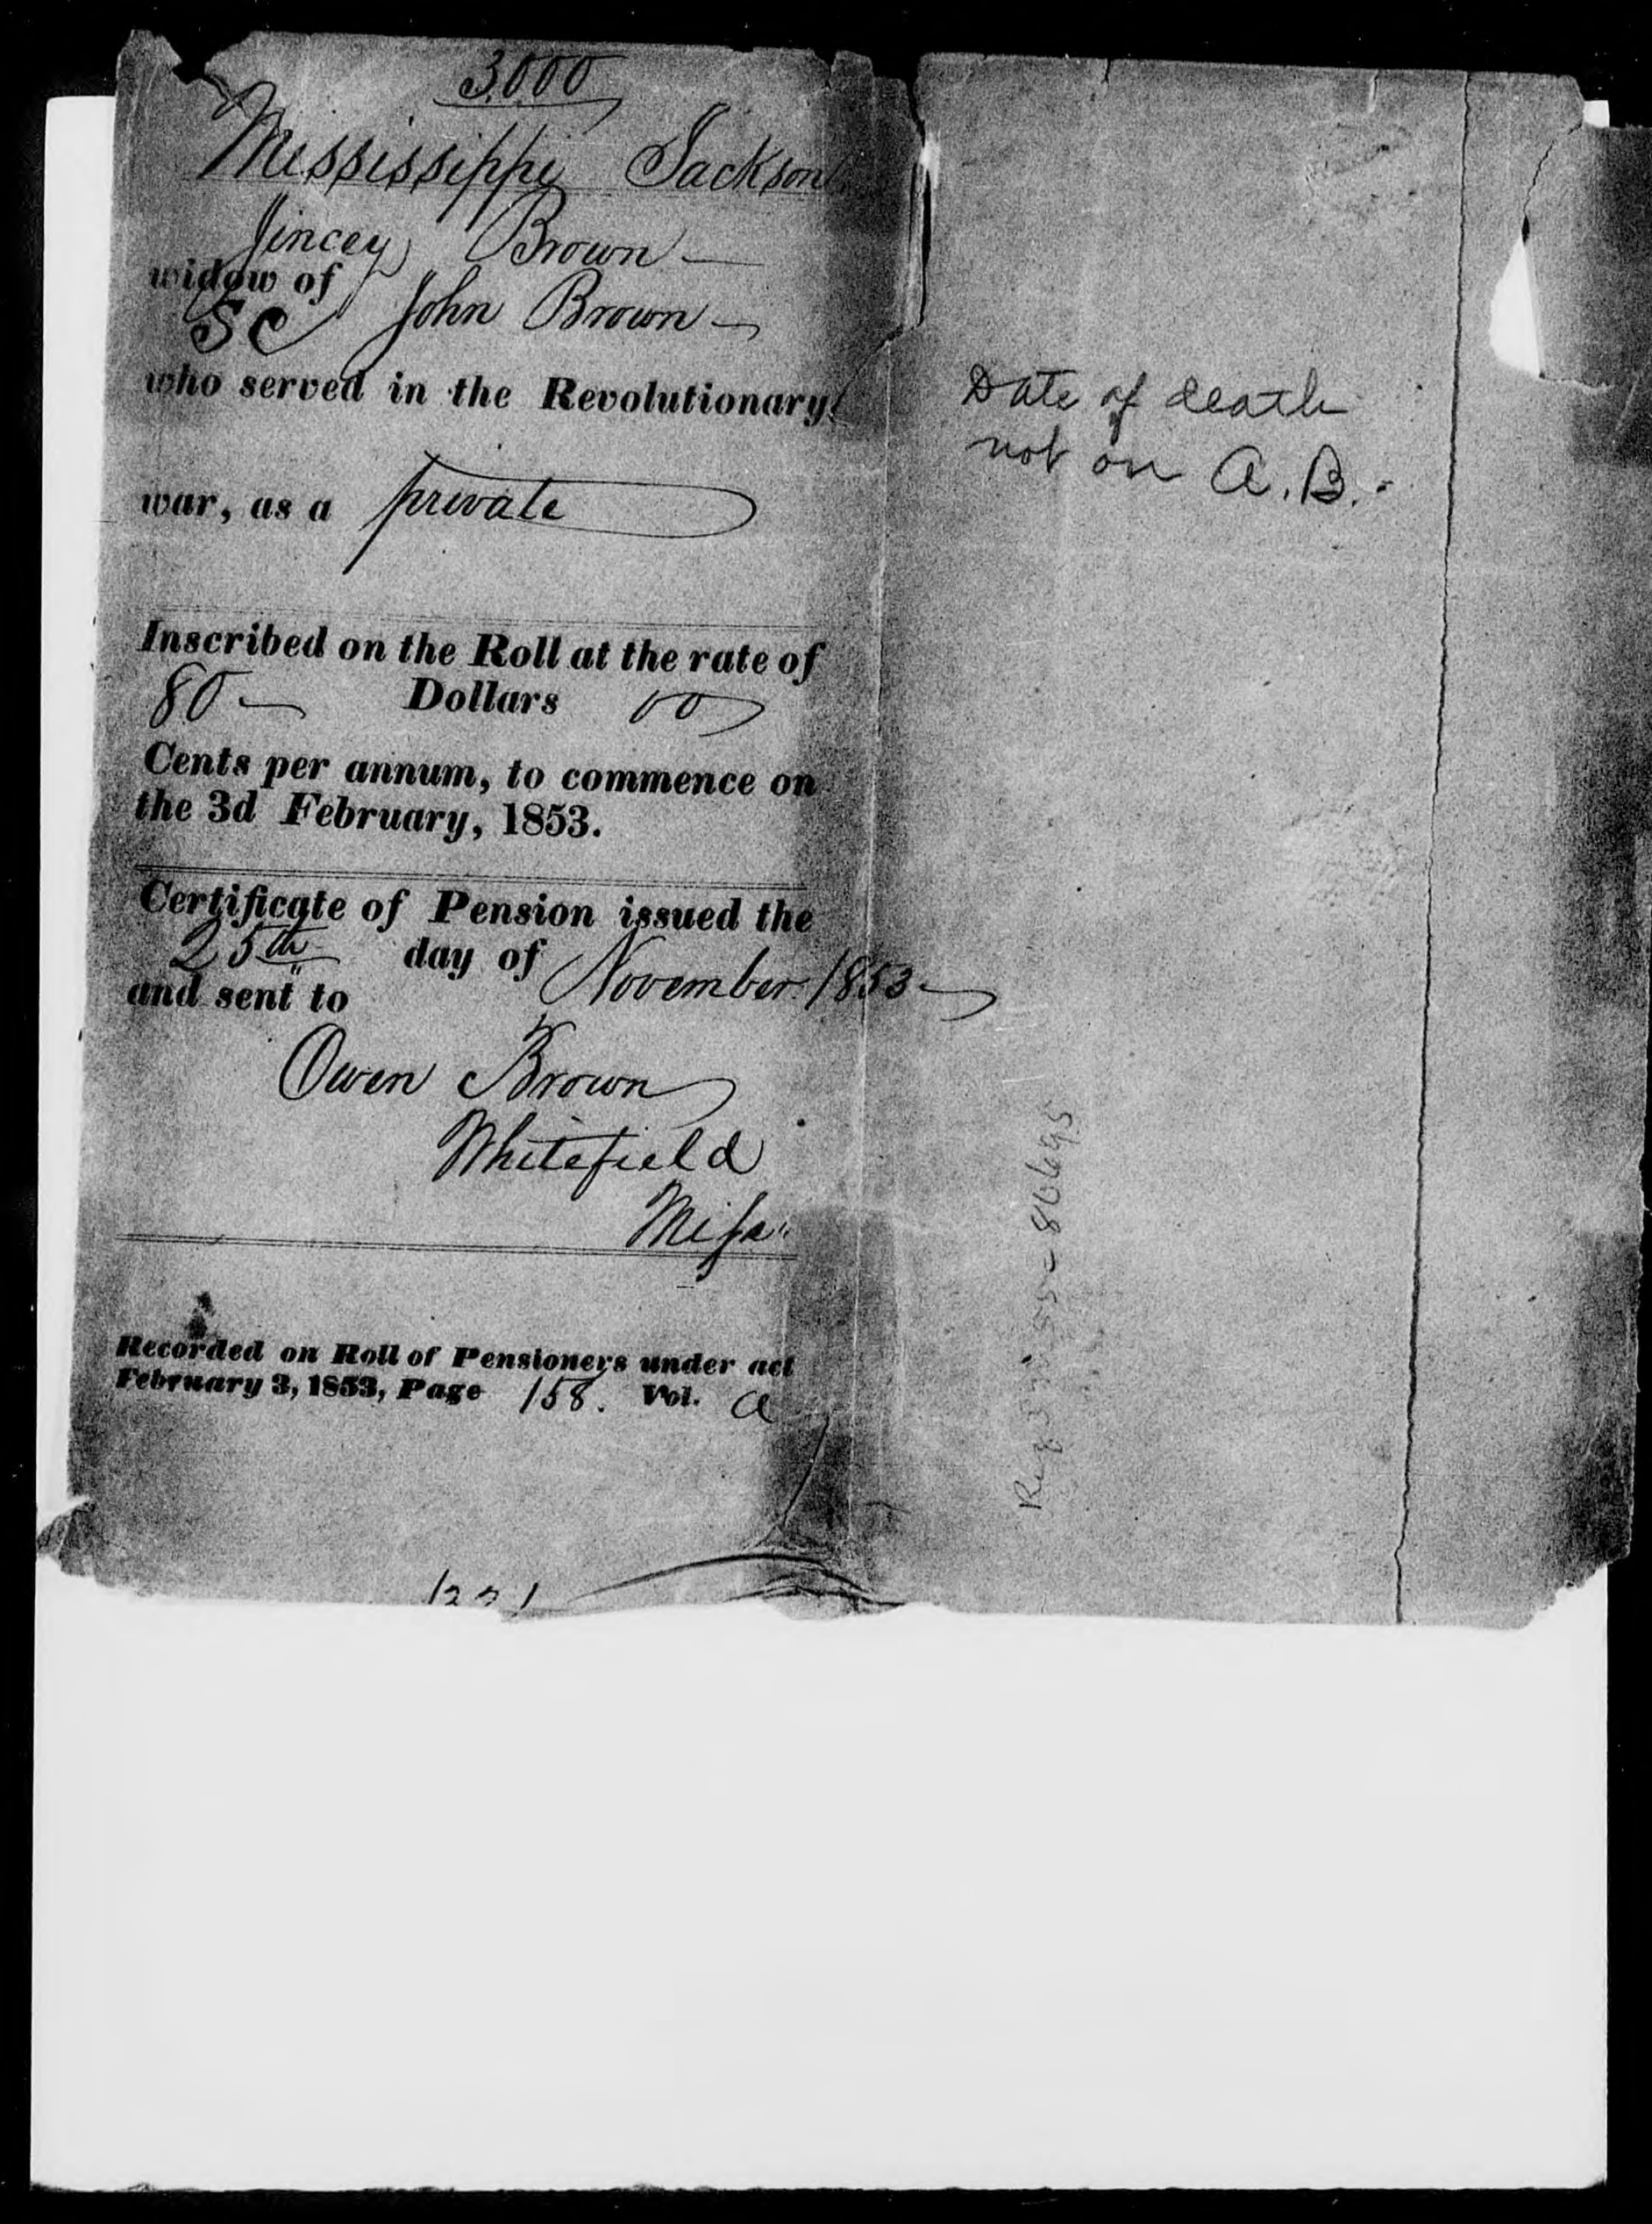3000
Mississippi Jackson
Jincey Brown
widow of John Brown SC
who served in the Revolutionary
war, as a private

Inscribed on the Roll at the rate of 80 Dollars 00 Cents per annum, to commence on the 3rd February, 1853.

Certicate of Pension issued the 25th day of November 1853 and sent to
Owen Brown Whitefield Miss

Recorded on Roll of Pensioners under act February 3, 1853, Page 158 Vol A

Index: - Vol. 2 , Page 87
[Arrangement of 1870]

Date of death
not on A. B.

Reg  3 m 55c 80695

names: Owen Brown, Jincey Brown, John Brown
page: 3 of 85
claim: widow's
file: W. 5,906, John Brown, S.C.